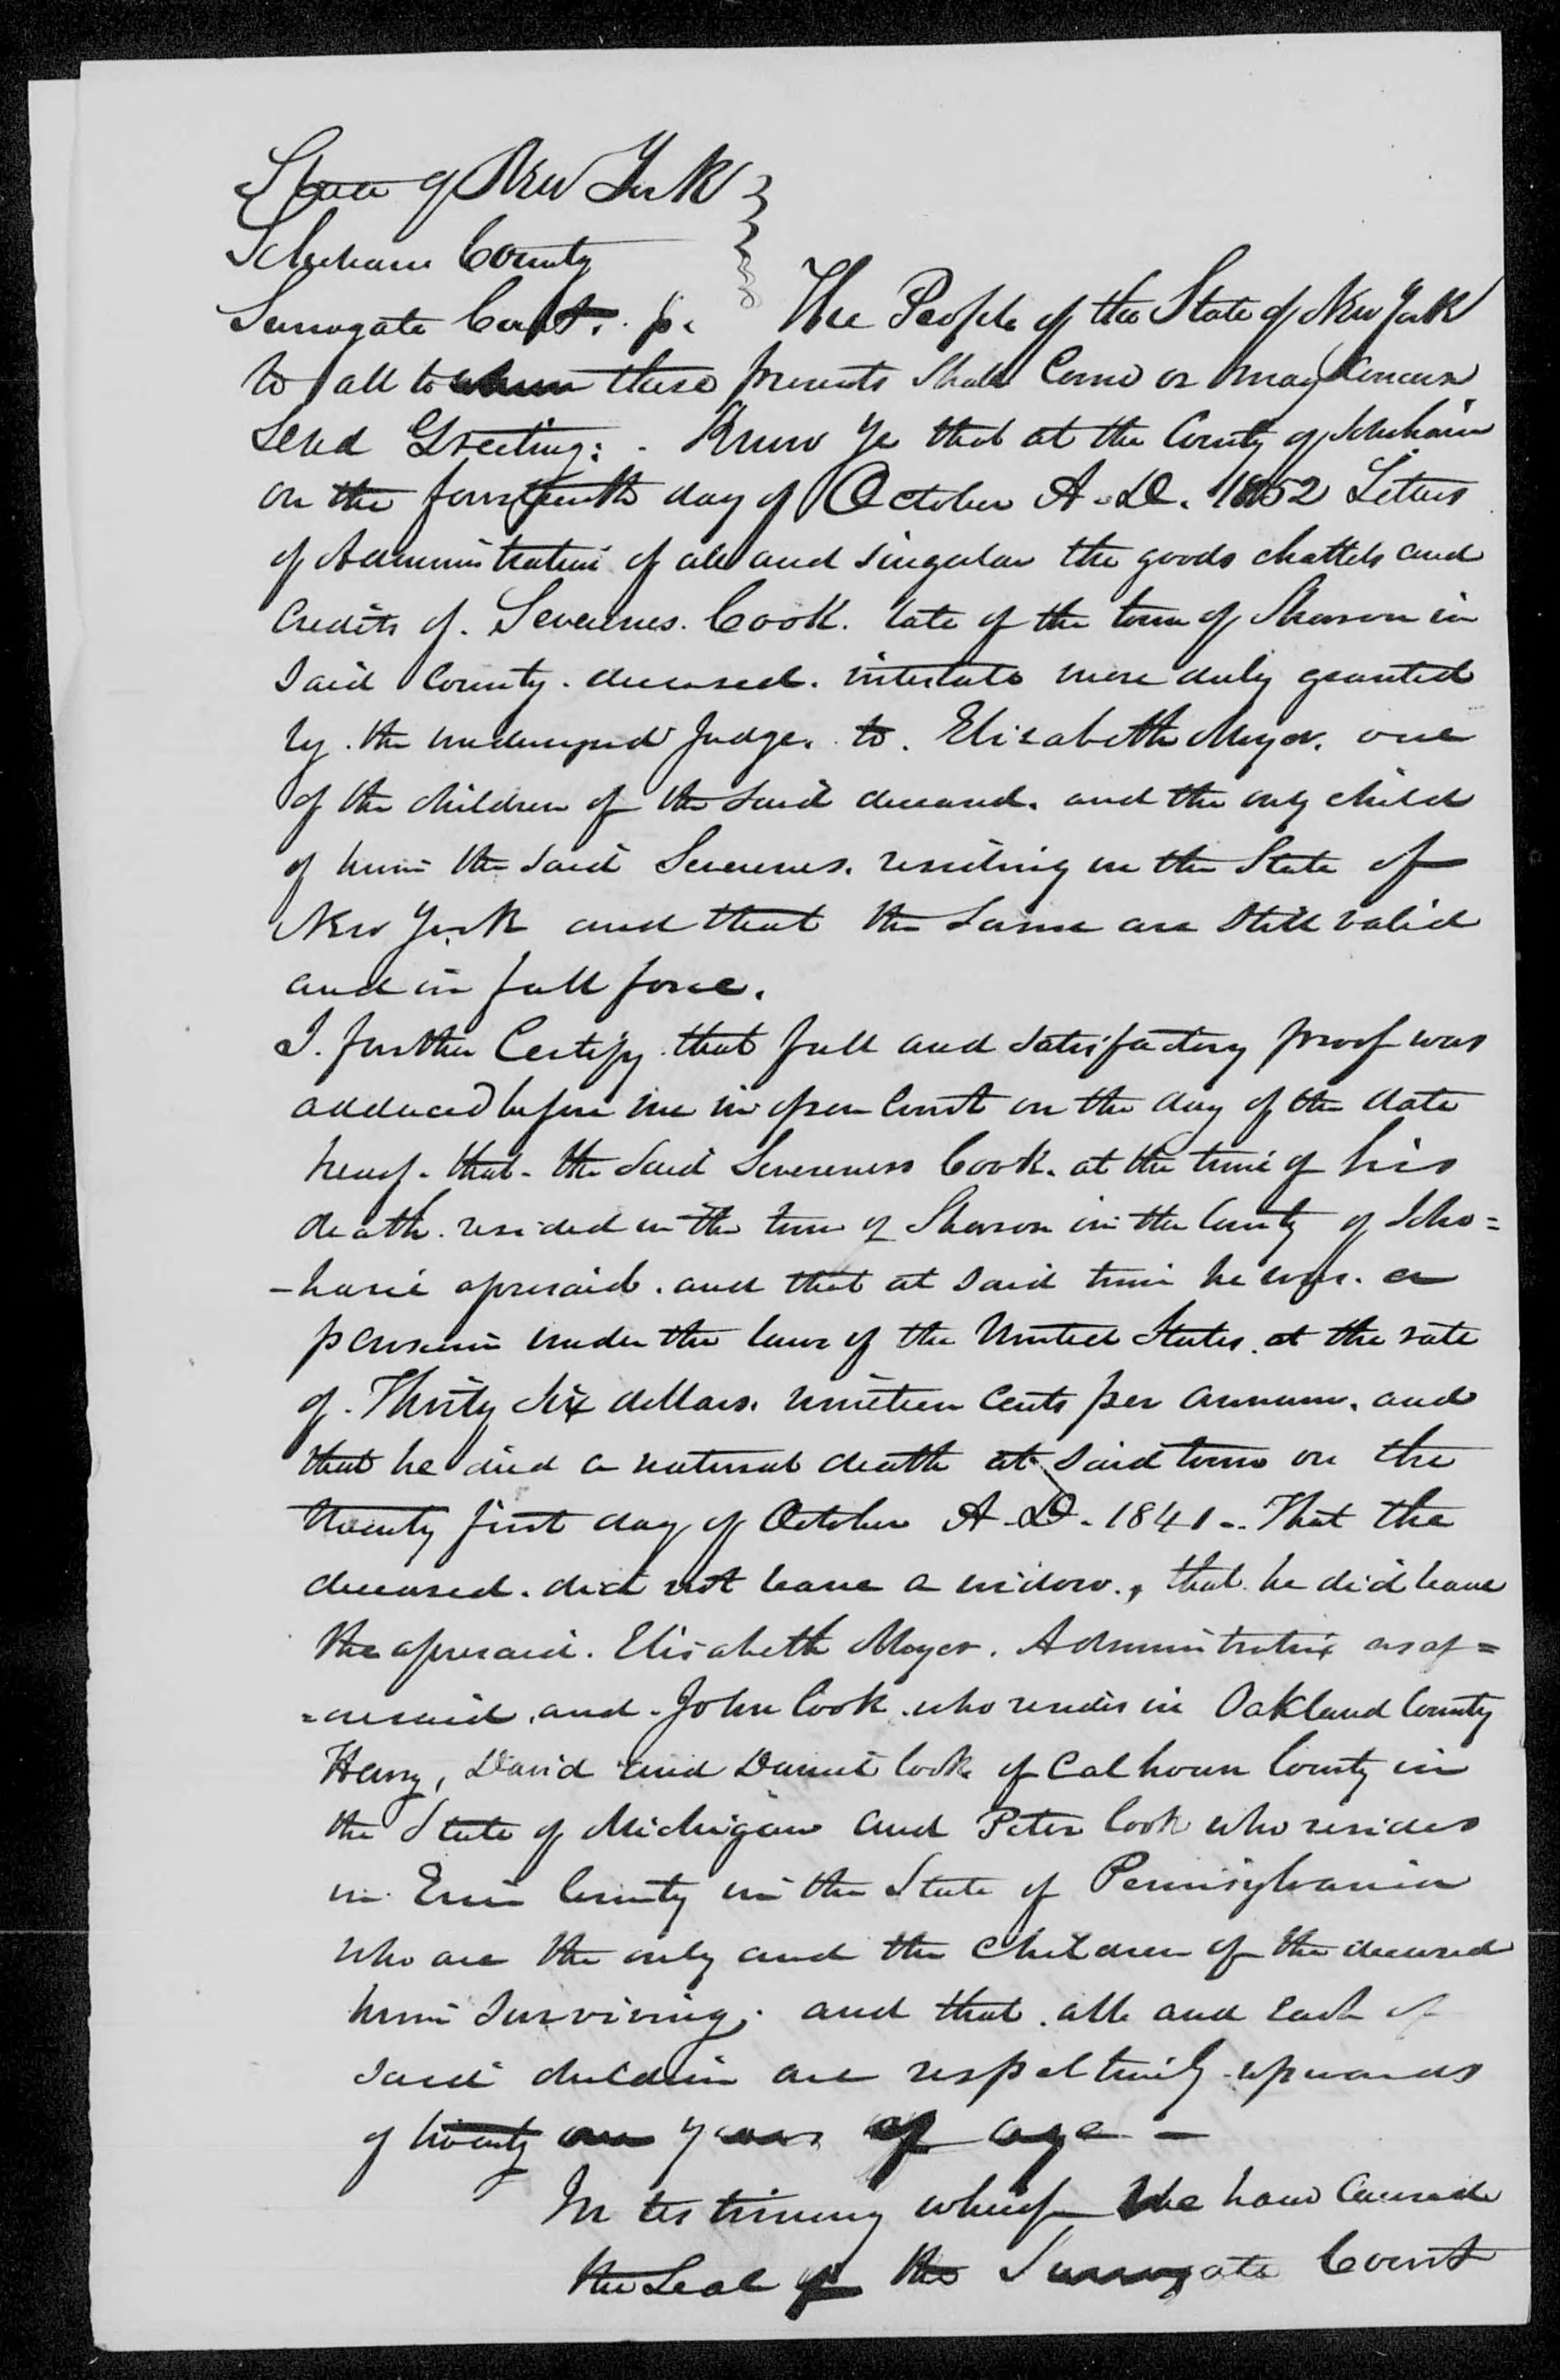State of New York
Schoharie County
Surrogate Court SS }

The People of the State of New York to all to whom these presents shall come or may concern Send Greeting: Know ye that at the County of Schoharie on the fourteenth day of October A.D. 1852 Letters of Administration of all and singular the goods chattels and credits of Severinus Cook, late of the town of Sharon in said County, deceased, intestate were duly granted by the undersigned Judge to Elizabeth Moyer, one of the children of the said deceased, and the only child of him the said Severinus, residing in the State of New York and that the same are still valid and in full force.

I further Certify that full and satisfactory proof was adduced before me in open Court on the day of the date hereof, that, the said Severinus Cook, at the time of his death resided in the town of Sharon in the County of Schoharie aforesaid, and that at said time before a pension under the laws of the United States at the rate of Thirty Six dollars, nineteen cents per annum, and that he died a natural death at said time on the twenty first day of October A.D. 1841. That the deceased did not leave a widow, that he did leave the aforesaid Elizabeht Moyer Administratrix as aforesaid and John Cook, who resides in Oakland County Henry, David and Daniel Cook of Calhoun County in the State of Michigan and Peter Cook who resides in Erie County in the State of Pennsylvania who are the only and the children of the deceased known surviving, and that all and each of said children are respectively upwards of twenty one years of age-
In testimony whereof the hour caused the Seal of the Surrogate Court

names: David, Elizabeth Moyer, John Cook, Severines Cook, Daniel Cook, Severinus Cook, Severinus, Peter Cook, Elizabeth Moyer, Henry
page: 10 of 51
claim: survivor's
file: S. 12563, Severinus Cook, New York